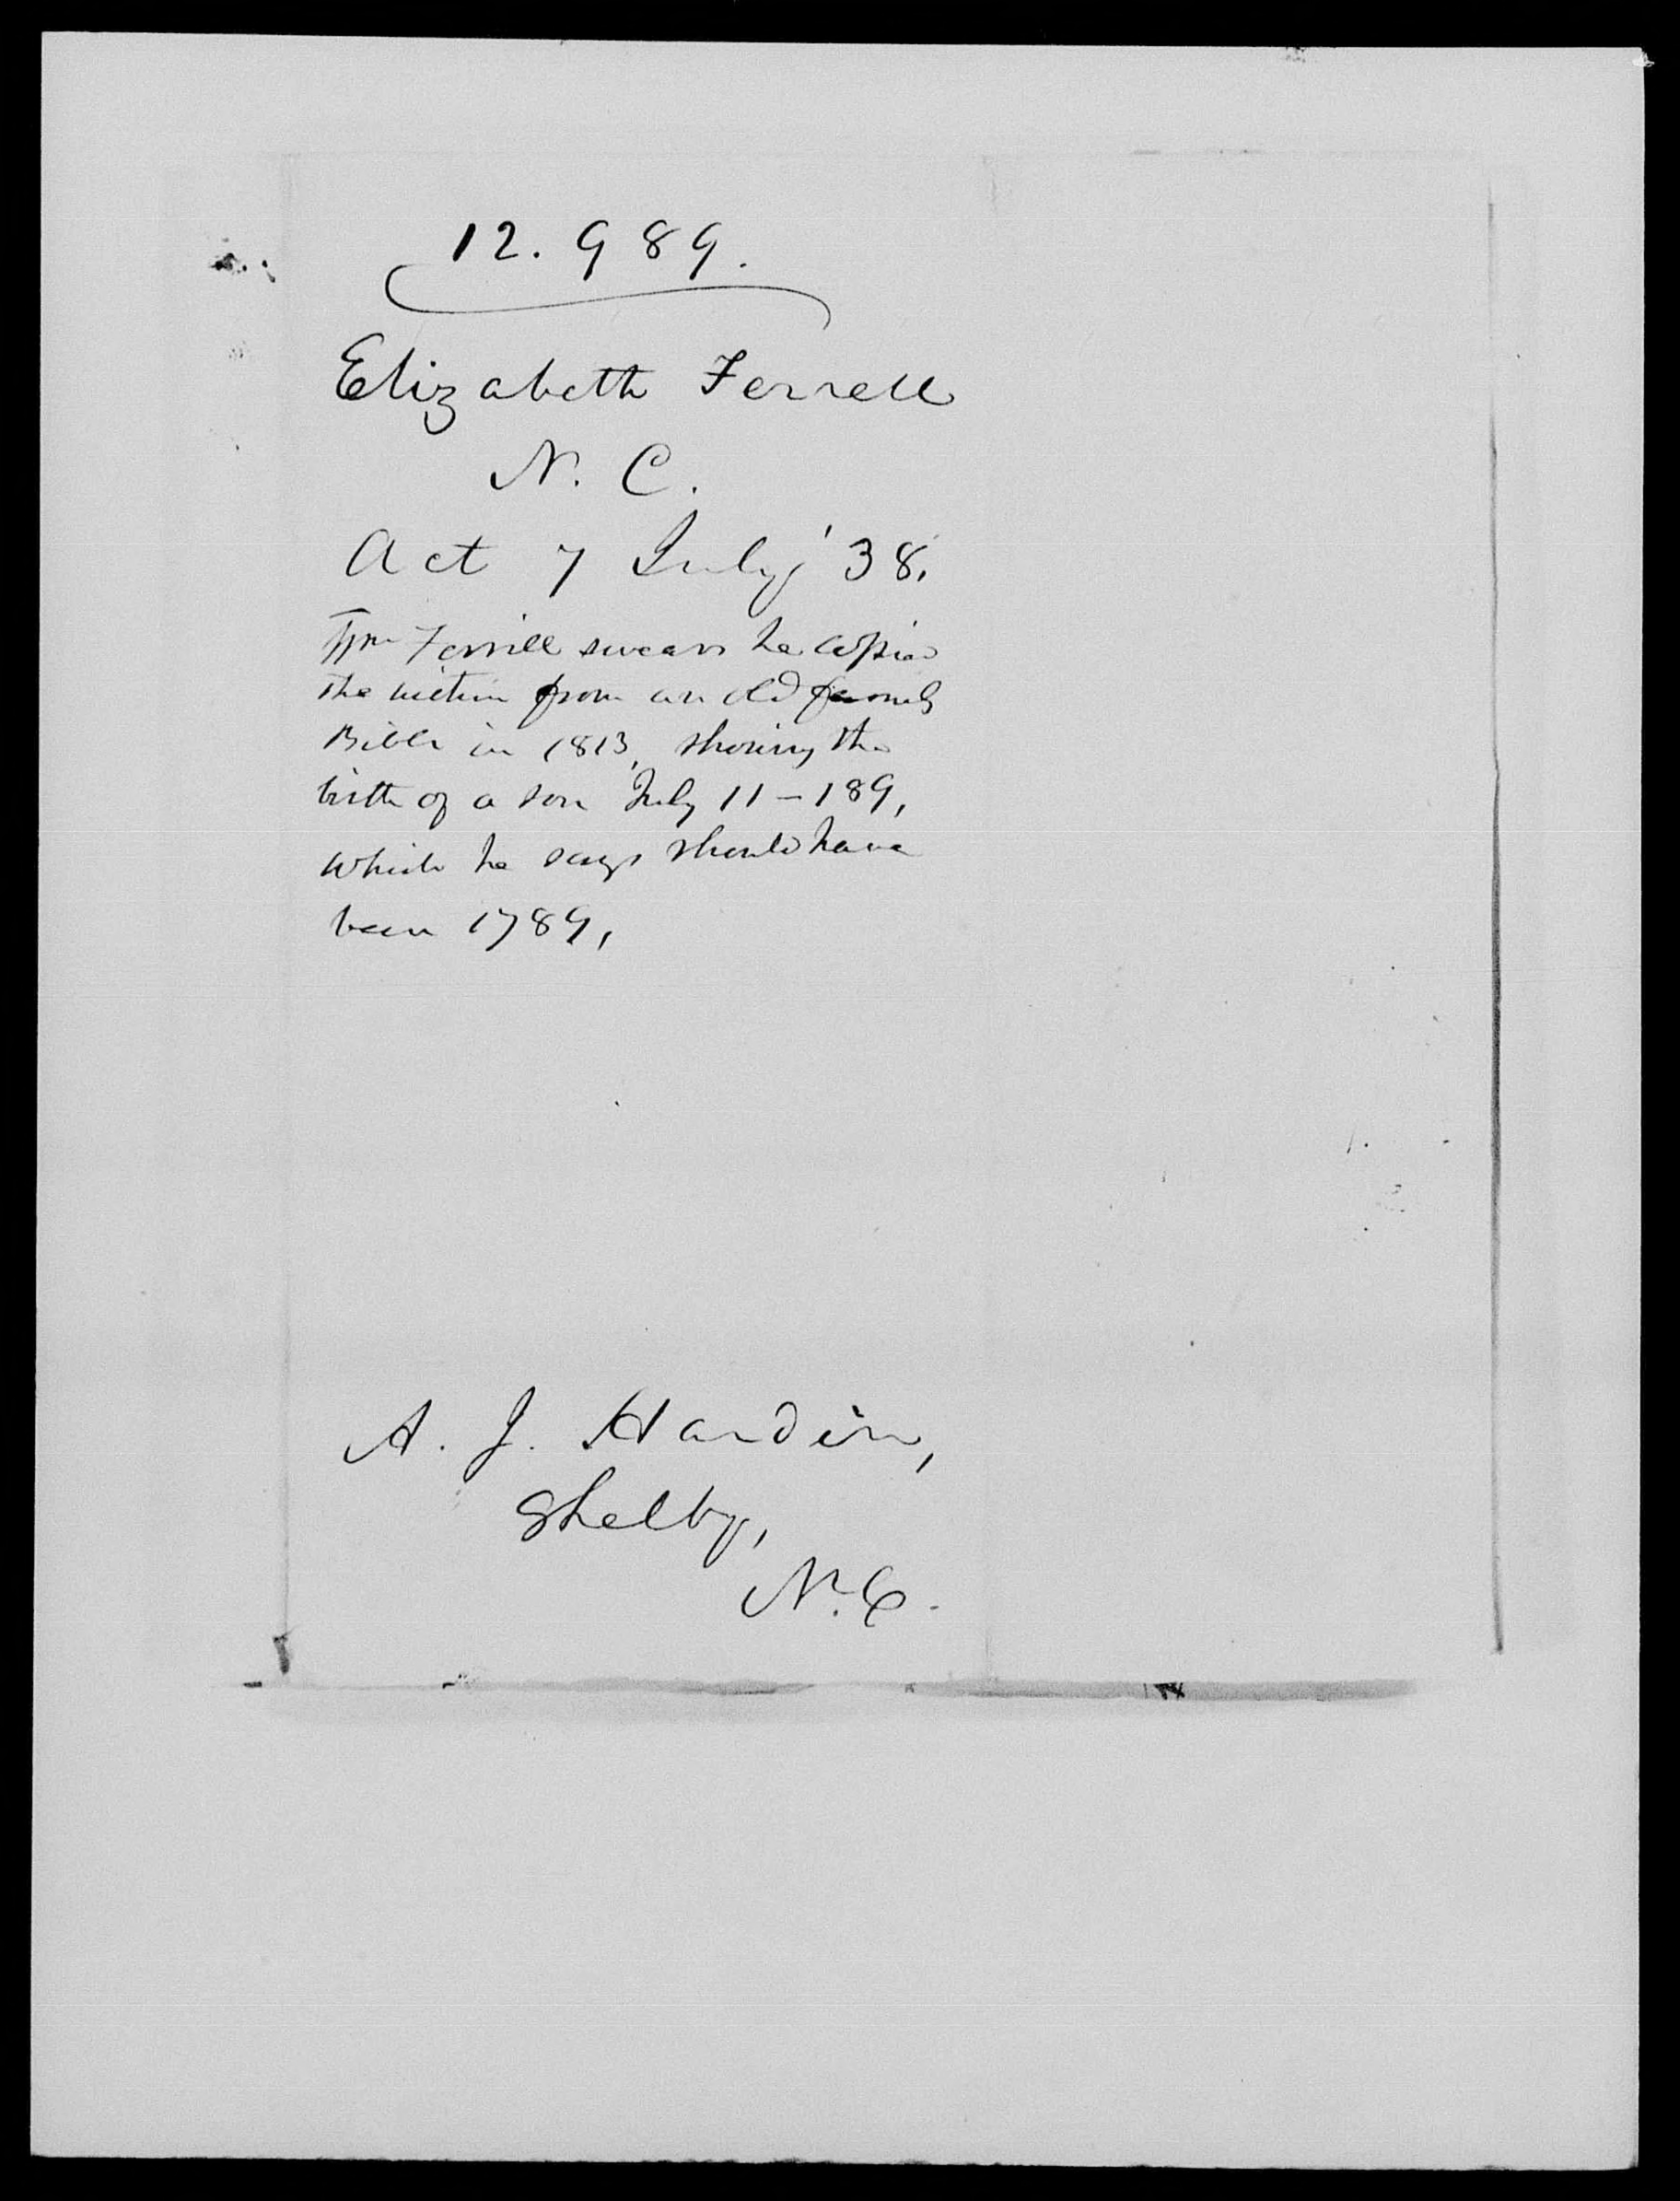12.989
Elizabeth Ferrell
NC
Act 7 July ‘38
Wm Ferrell swears he :illegible:
The written from an old family bible in 1813, showing the birth of a son July 11, 189, which he says would have been 1789,
AJ Hardin
Shelby, NC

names: A J Hardin, Elizabeth Ferrell, Wm Ferrill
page: 11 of 52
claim: rejected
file: R. 3,512, John Ferrell, N.C.